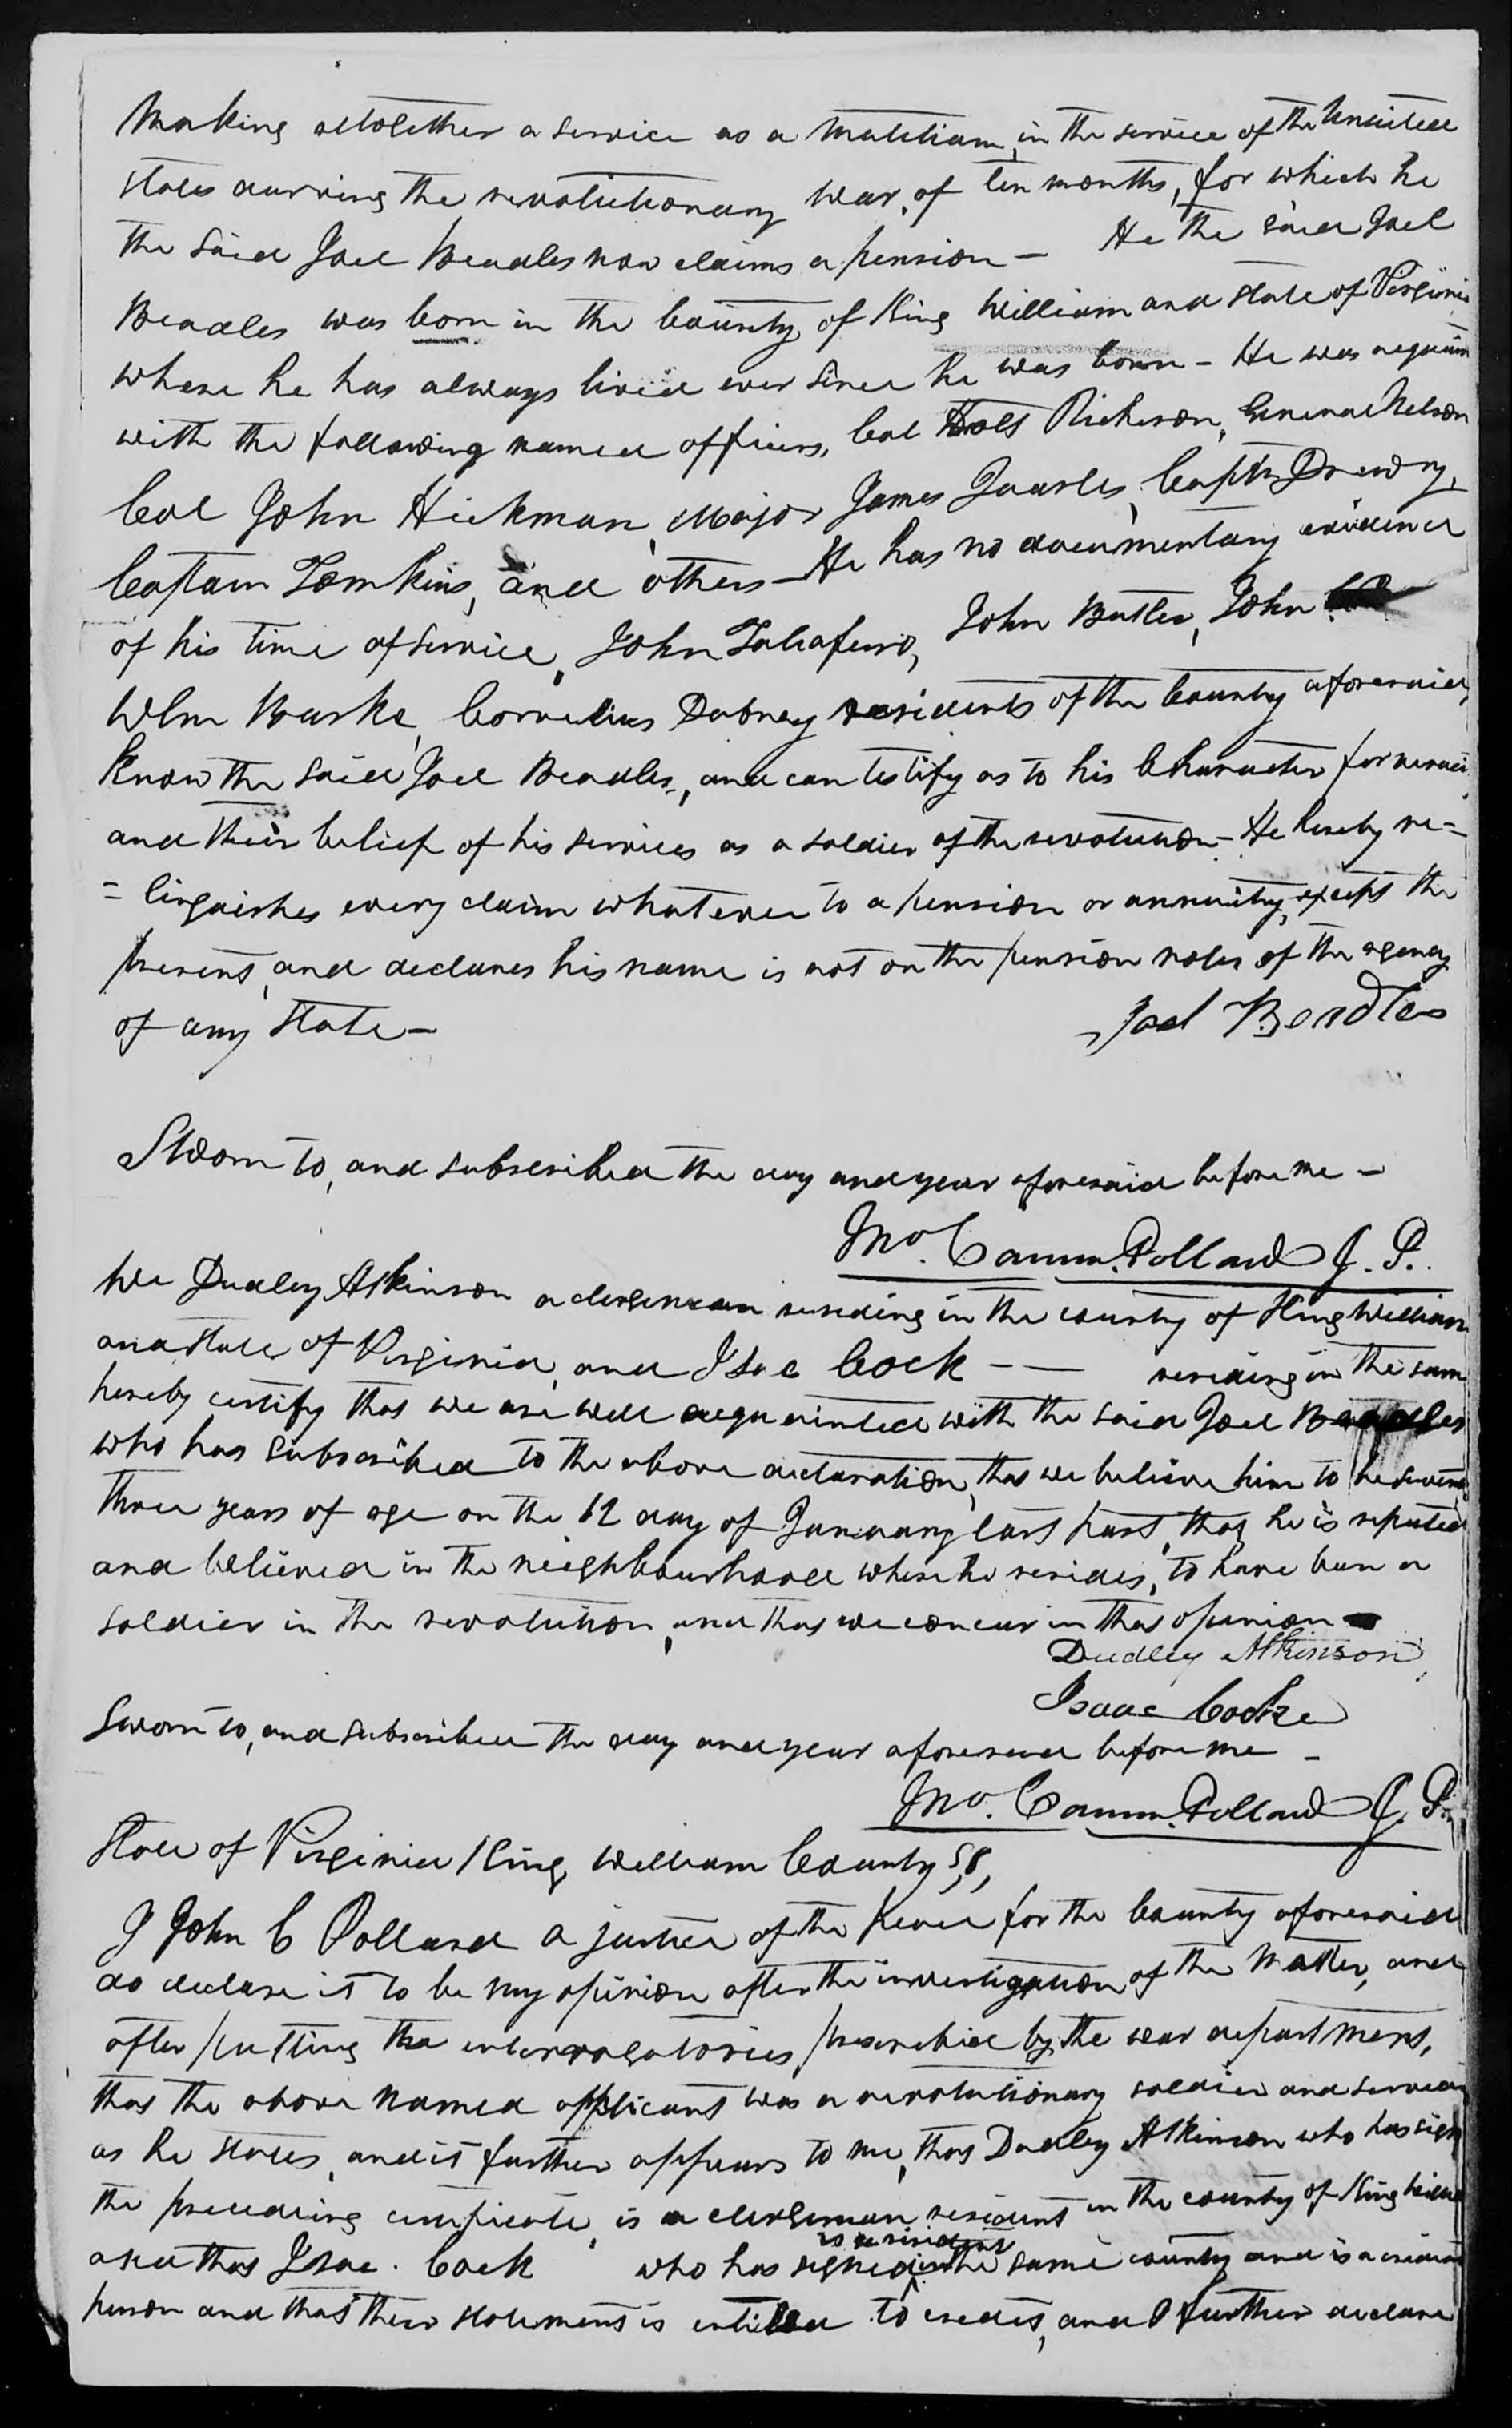Making altogether a service as a militiamen in the service of the United States during the Revolutionary War of ten months, for which he then said Joel Beadles has claims a pension. He then said Joel Beadles was born in the County of King William and State of Virginia whence heha always lived ever since he was born. He was with the folliwng named officers, Colonel Richeson, Nelson, Colonel John Hickman, Major James Quarles, Captain Dabney, Captain Tomkins, and others. He has not documentary eveidence of his time of service, John Taliaferro, John Butler, John, Williams Marks, Cornelius Dabney residents of the County after mentioned, know the said Joel Beadles, and can certify as to his charactacter for and their belief of his services as a soldier of the revolution. He relinquishes every claim whatever to a pension or annuity, except the present, and declares his name is not on the pension roles of the army of any state.

Joel Beadles

Sworn to, and subscribed the army and years aforesaid before me

Pollard, J. P.

Dudley Atkinson a residing in the County of King William and State of Virginia, and Isac Cock, serving in the same hereby certify that we are wit the said Joel Beadles who has subscribed to the above acclamation, that we believe him to be seventy four years of age on the 12 day of January last past, that he is reputed and belived in the neighborhood when he resides, to have been a soldier in the revoluation, and that we concur in the opinion.

Dudley Atkinson
Isaac Cooke
Sworn to and subscribed aforementioned before me
Pollard, J. P.

State of Virginia, King William County

I, John C. Pollard a justice of the Peace for the County aforesaid, do declare it to be my opinion after the investigation of the matter, after, by the , that the above named applicant was a revolutionary soldier and served as he states, and it fther appears to me , that Dudley Atkinson who has signed the preceeding certificate, is a clergyman resident in the county of King William and that Isaac Cook who has resided in the same county and is a and that their statement is written to credit, and I further advocate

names: Cornelius Dabney, Tomkins, Joel Beadles, Dudley Atkinson, John Butler, Isac Cock, Dudley Atkinson, Isaac Cocke, Joel Beadles, John Taliaferro, John Hickman, Jno Camm Pollard, John C Pollard, Dudley Atkinson, Holt Richeson, Joel Beadles, Jno Camm Pollard, Joel Beadles, Joel Beadles, Drewry, Isac Cock, John, Nelson, James Quarles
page: 5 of 13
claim: survivor's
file: S. 17841, Joel Beadles, Va.